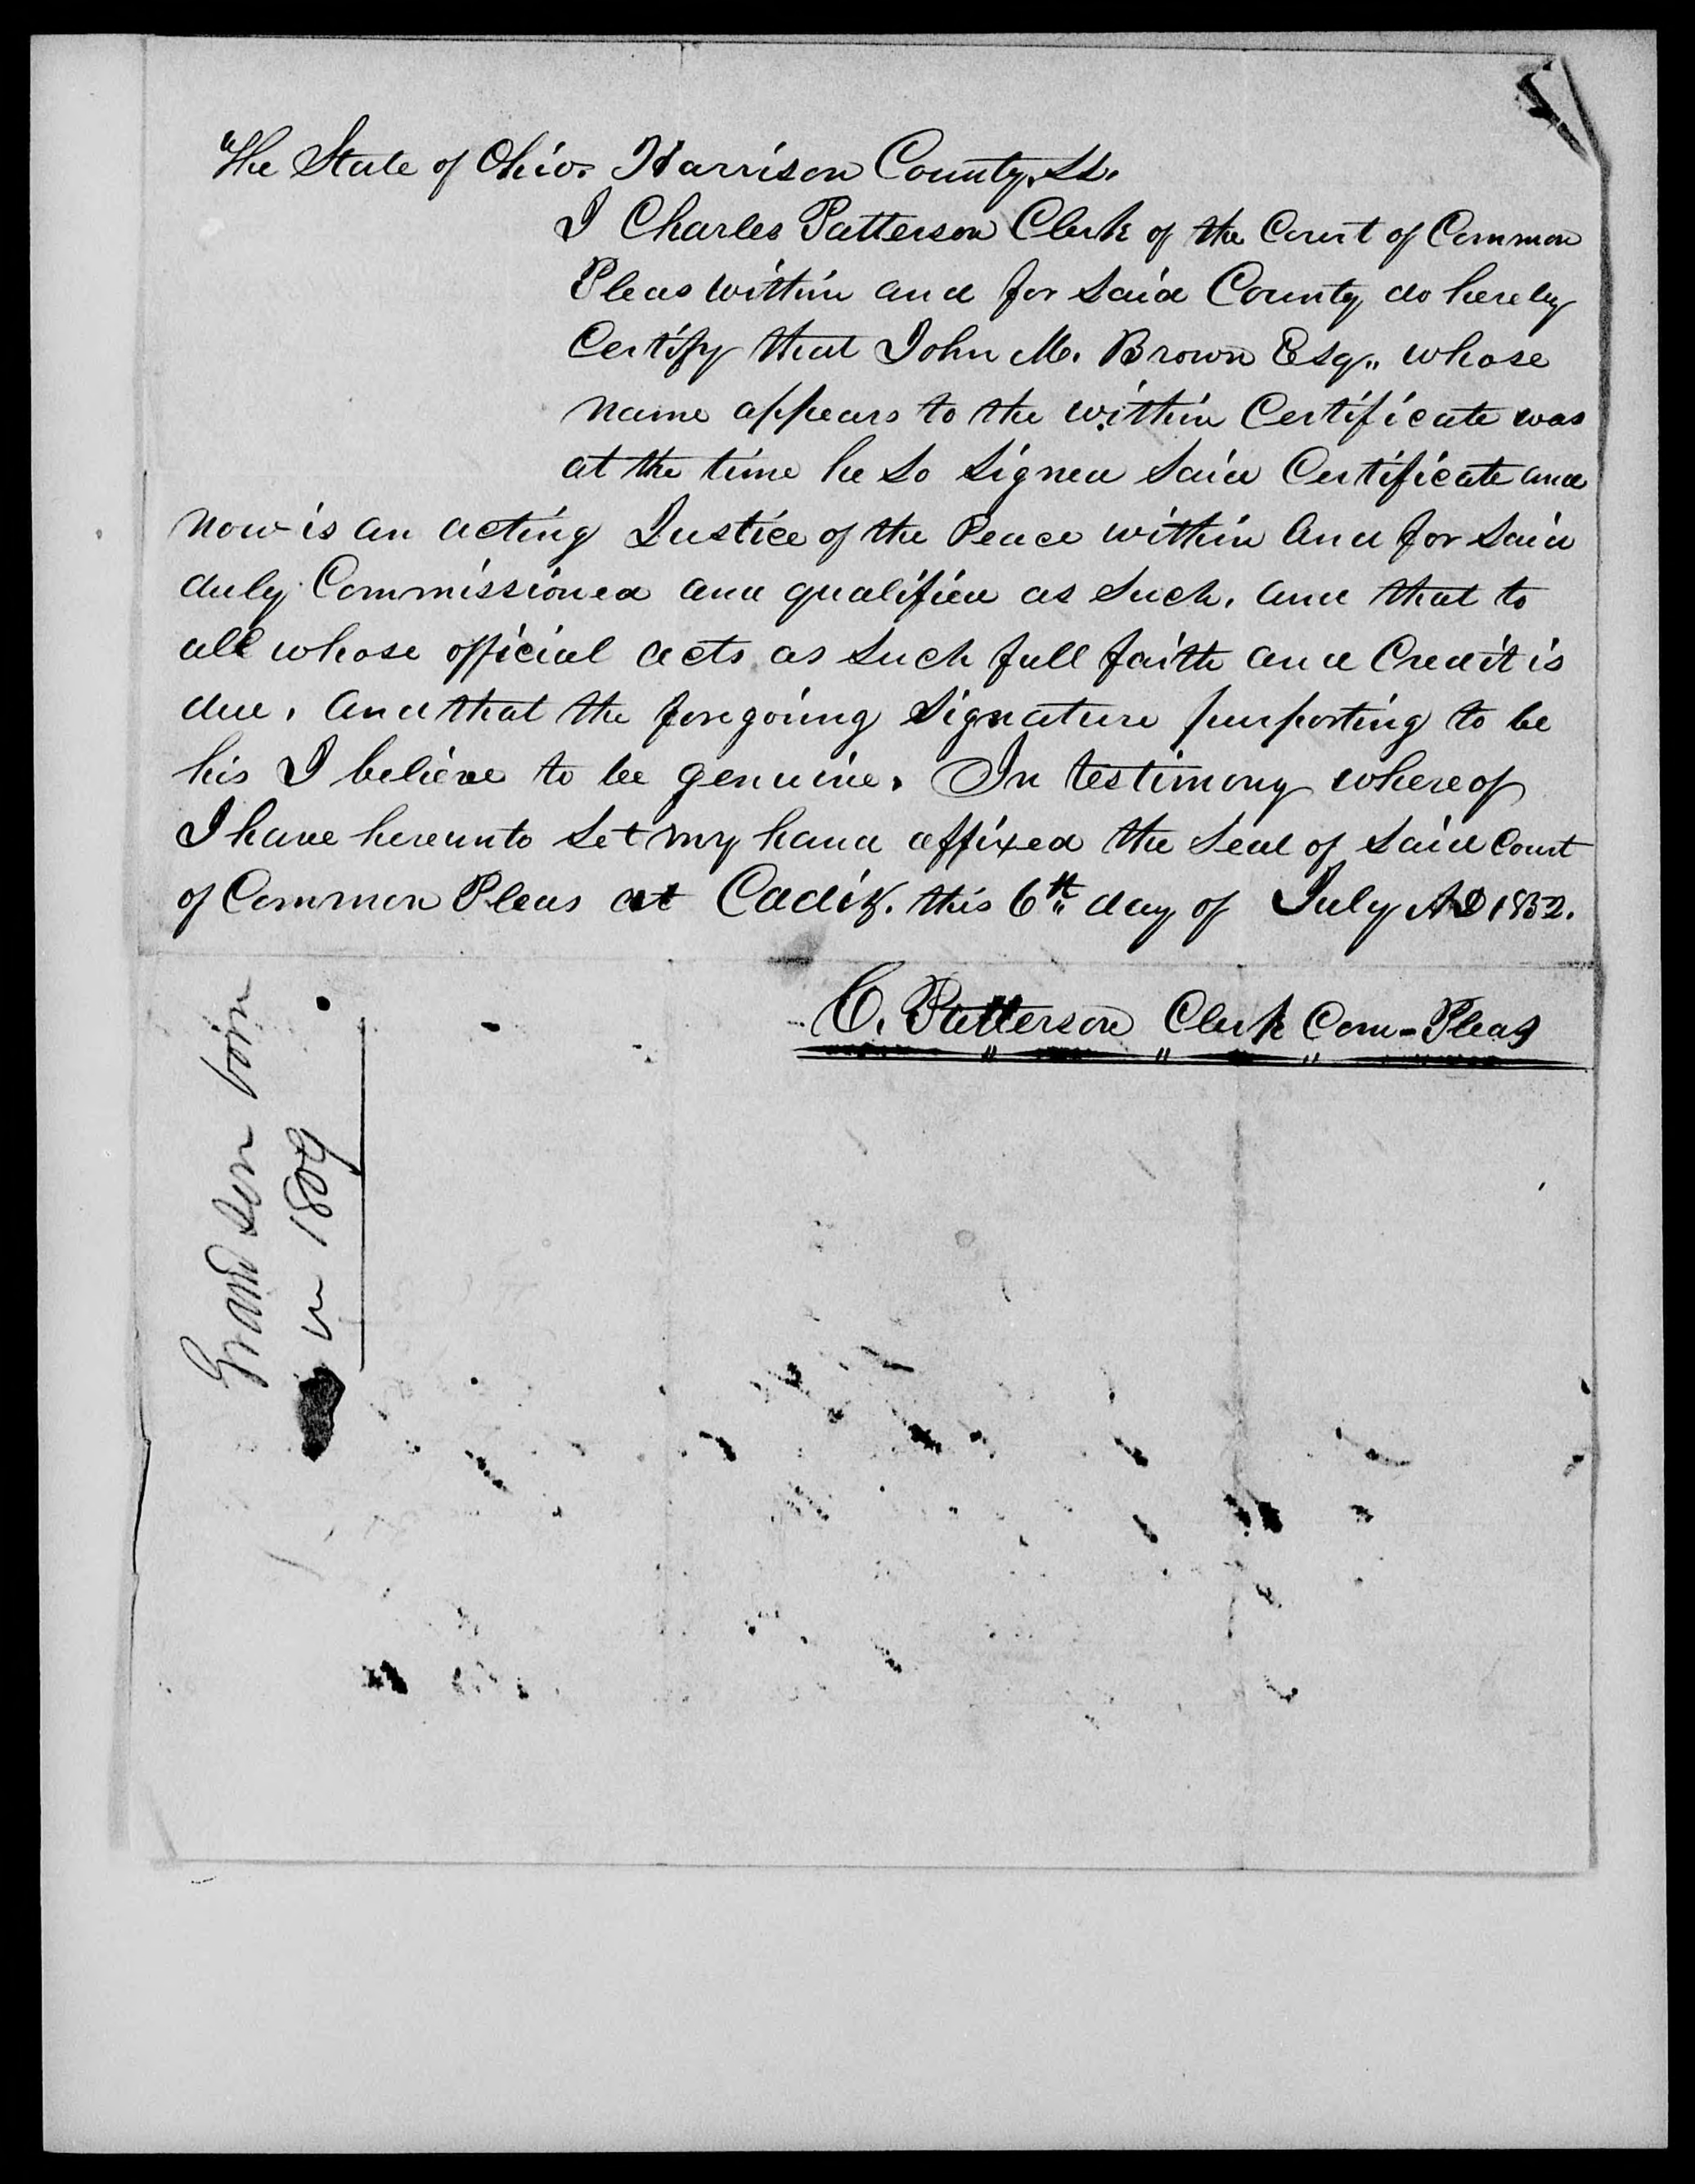The State of Ohio, Harrison County, ss:
I Charles Patterson Clerk of the Court of Common Pleas within and for said County do hereby Certify that John M. Brown Esq., whose name appears to the within Certificate was at the time he so signed said Certificate and now is an acting Justice of the Peace within and for said duly Commissioned and qualified as such, and that to all whose official acts as such full faith and credit is due, and that the foregoing signature purporting to be his I believe to be genuine. In testimony whereof I have hereunto set my hand affixed the seal of said Court of Common Pleas at Cadiz, this 6th day of July A.D. 1832.
//s// C. Patterson Clerk Comm. Pleas

[The following was written upwards along the lower left margin] 
Grand son born in 1809.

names: John M Brown; Charles Patterson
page: 19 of 40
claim: widow's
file: W. 3,588, for John Parker, Pennsylvania